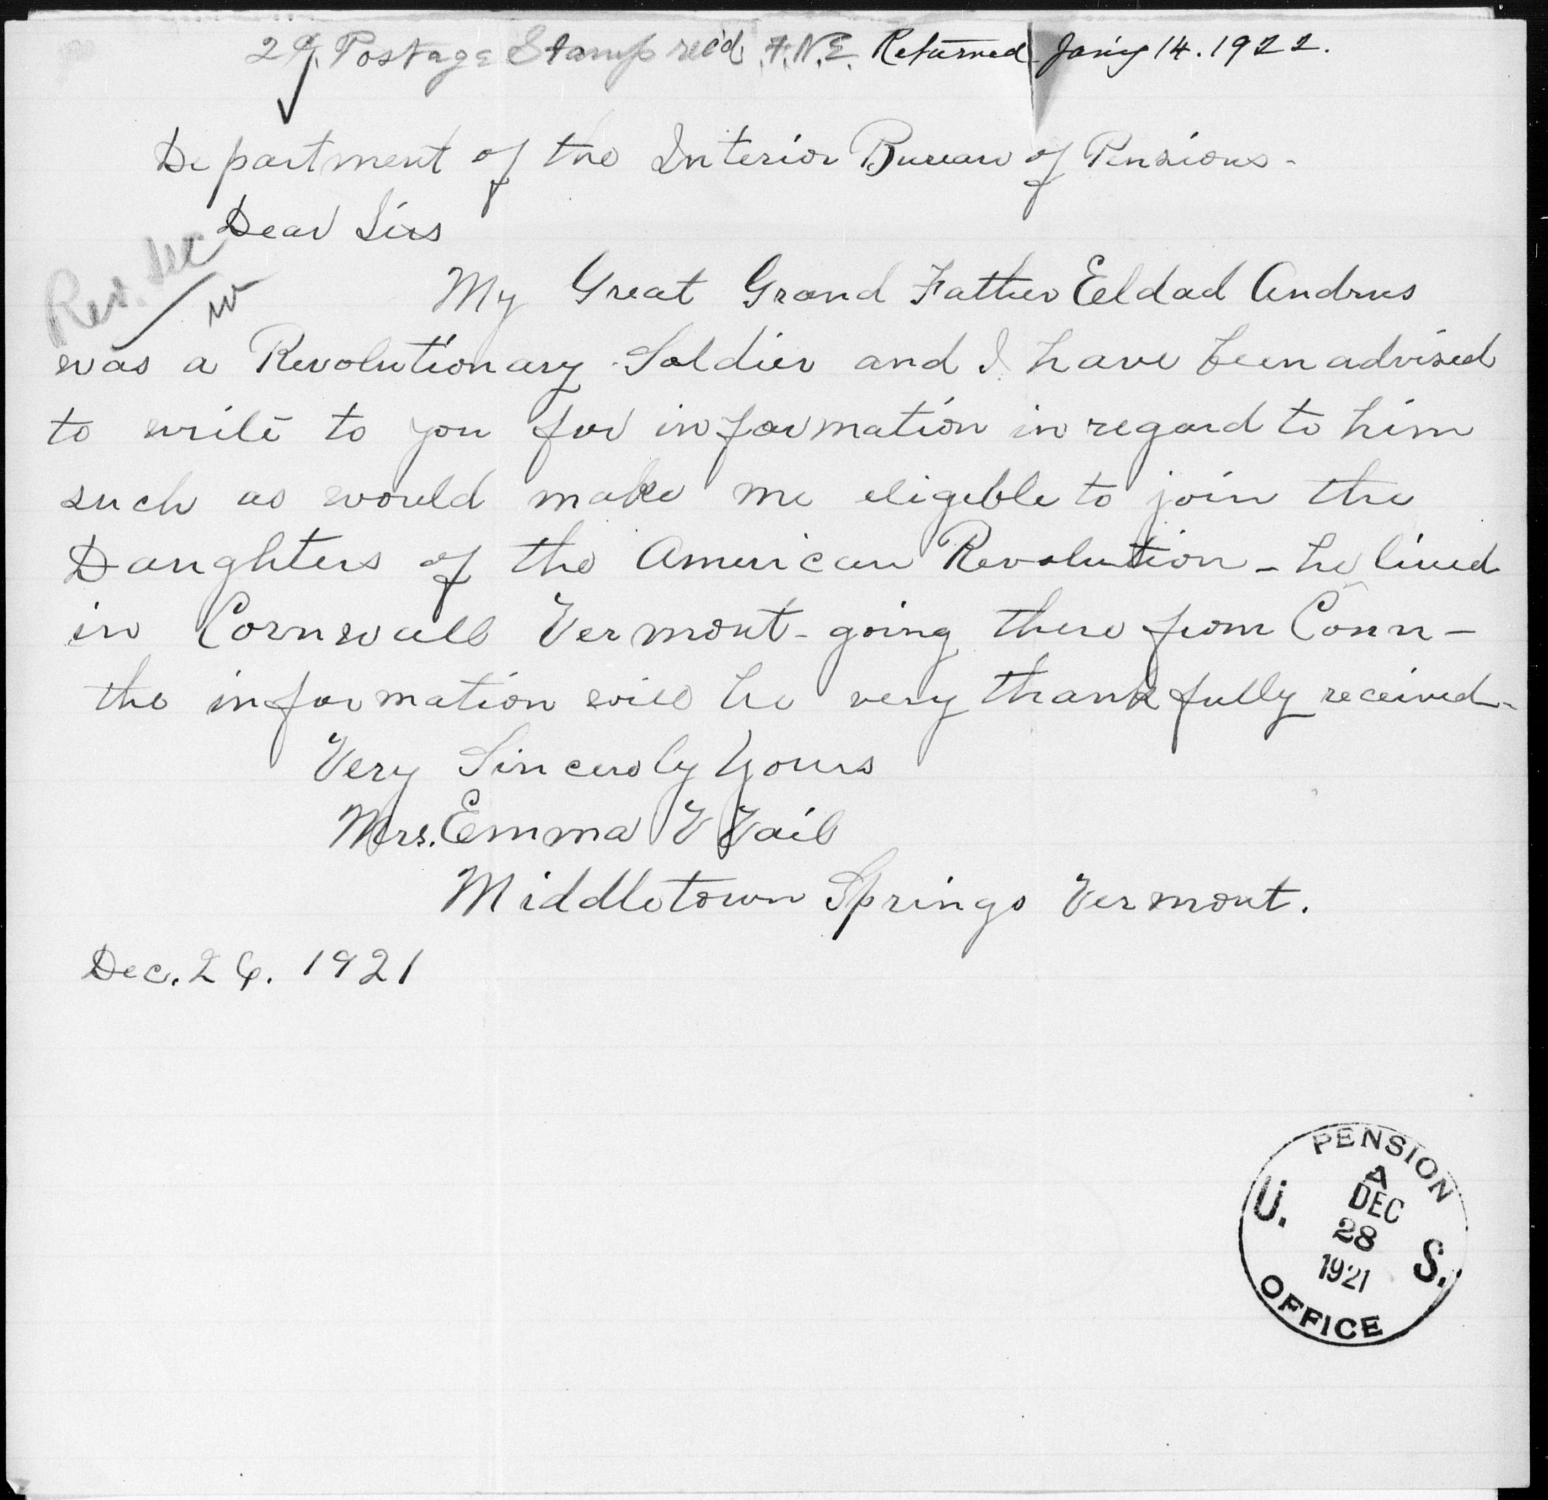29. Postage Stamp rec'd F.N.E. Returned
Jan. 14, 1922.
Department of the Interior Bureau of Pensions-


Dear Sirs
My Great Grand-Father Eldad Andrews
was a Revolutionary Soldier and I have been advised to write to you for information in regard to him such as would make me eligible to join the Daughters of the American Revolution, he lived in Cornwall Vermont-going there from Conn- the information will be very thankfully received

Very Sincerely yours
Mrs. Emma V. Vail
Middletown Springs Vermont
Dec. 26, 1921

PENSION
U. Dec. 28, 1921 S.
OFFICE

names: Emma V Vail, Eldad Andrus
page: 27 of 27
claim: rejected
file: R. 223, Eldad Andrus, Vt.